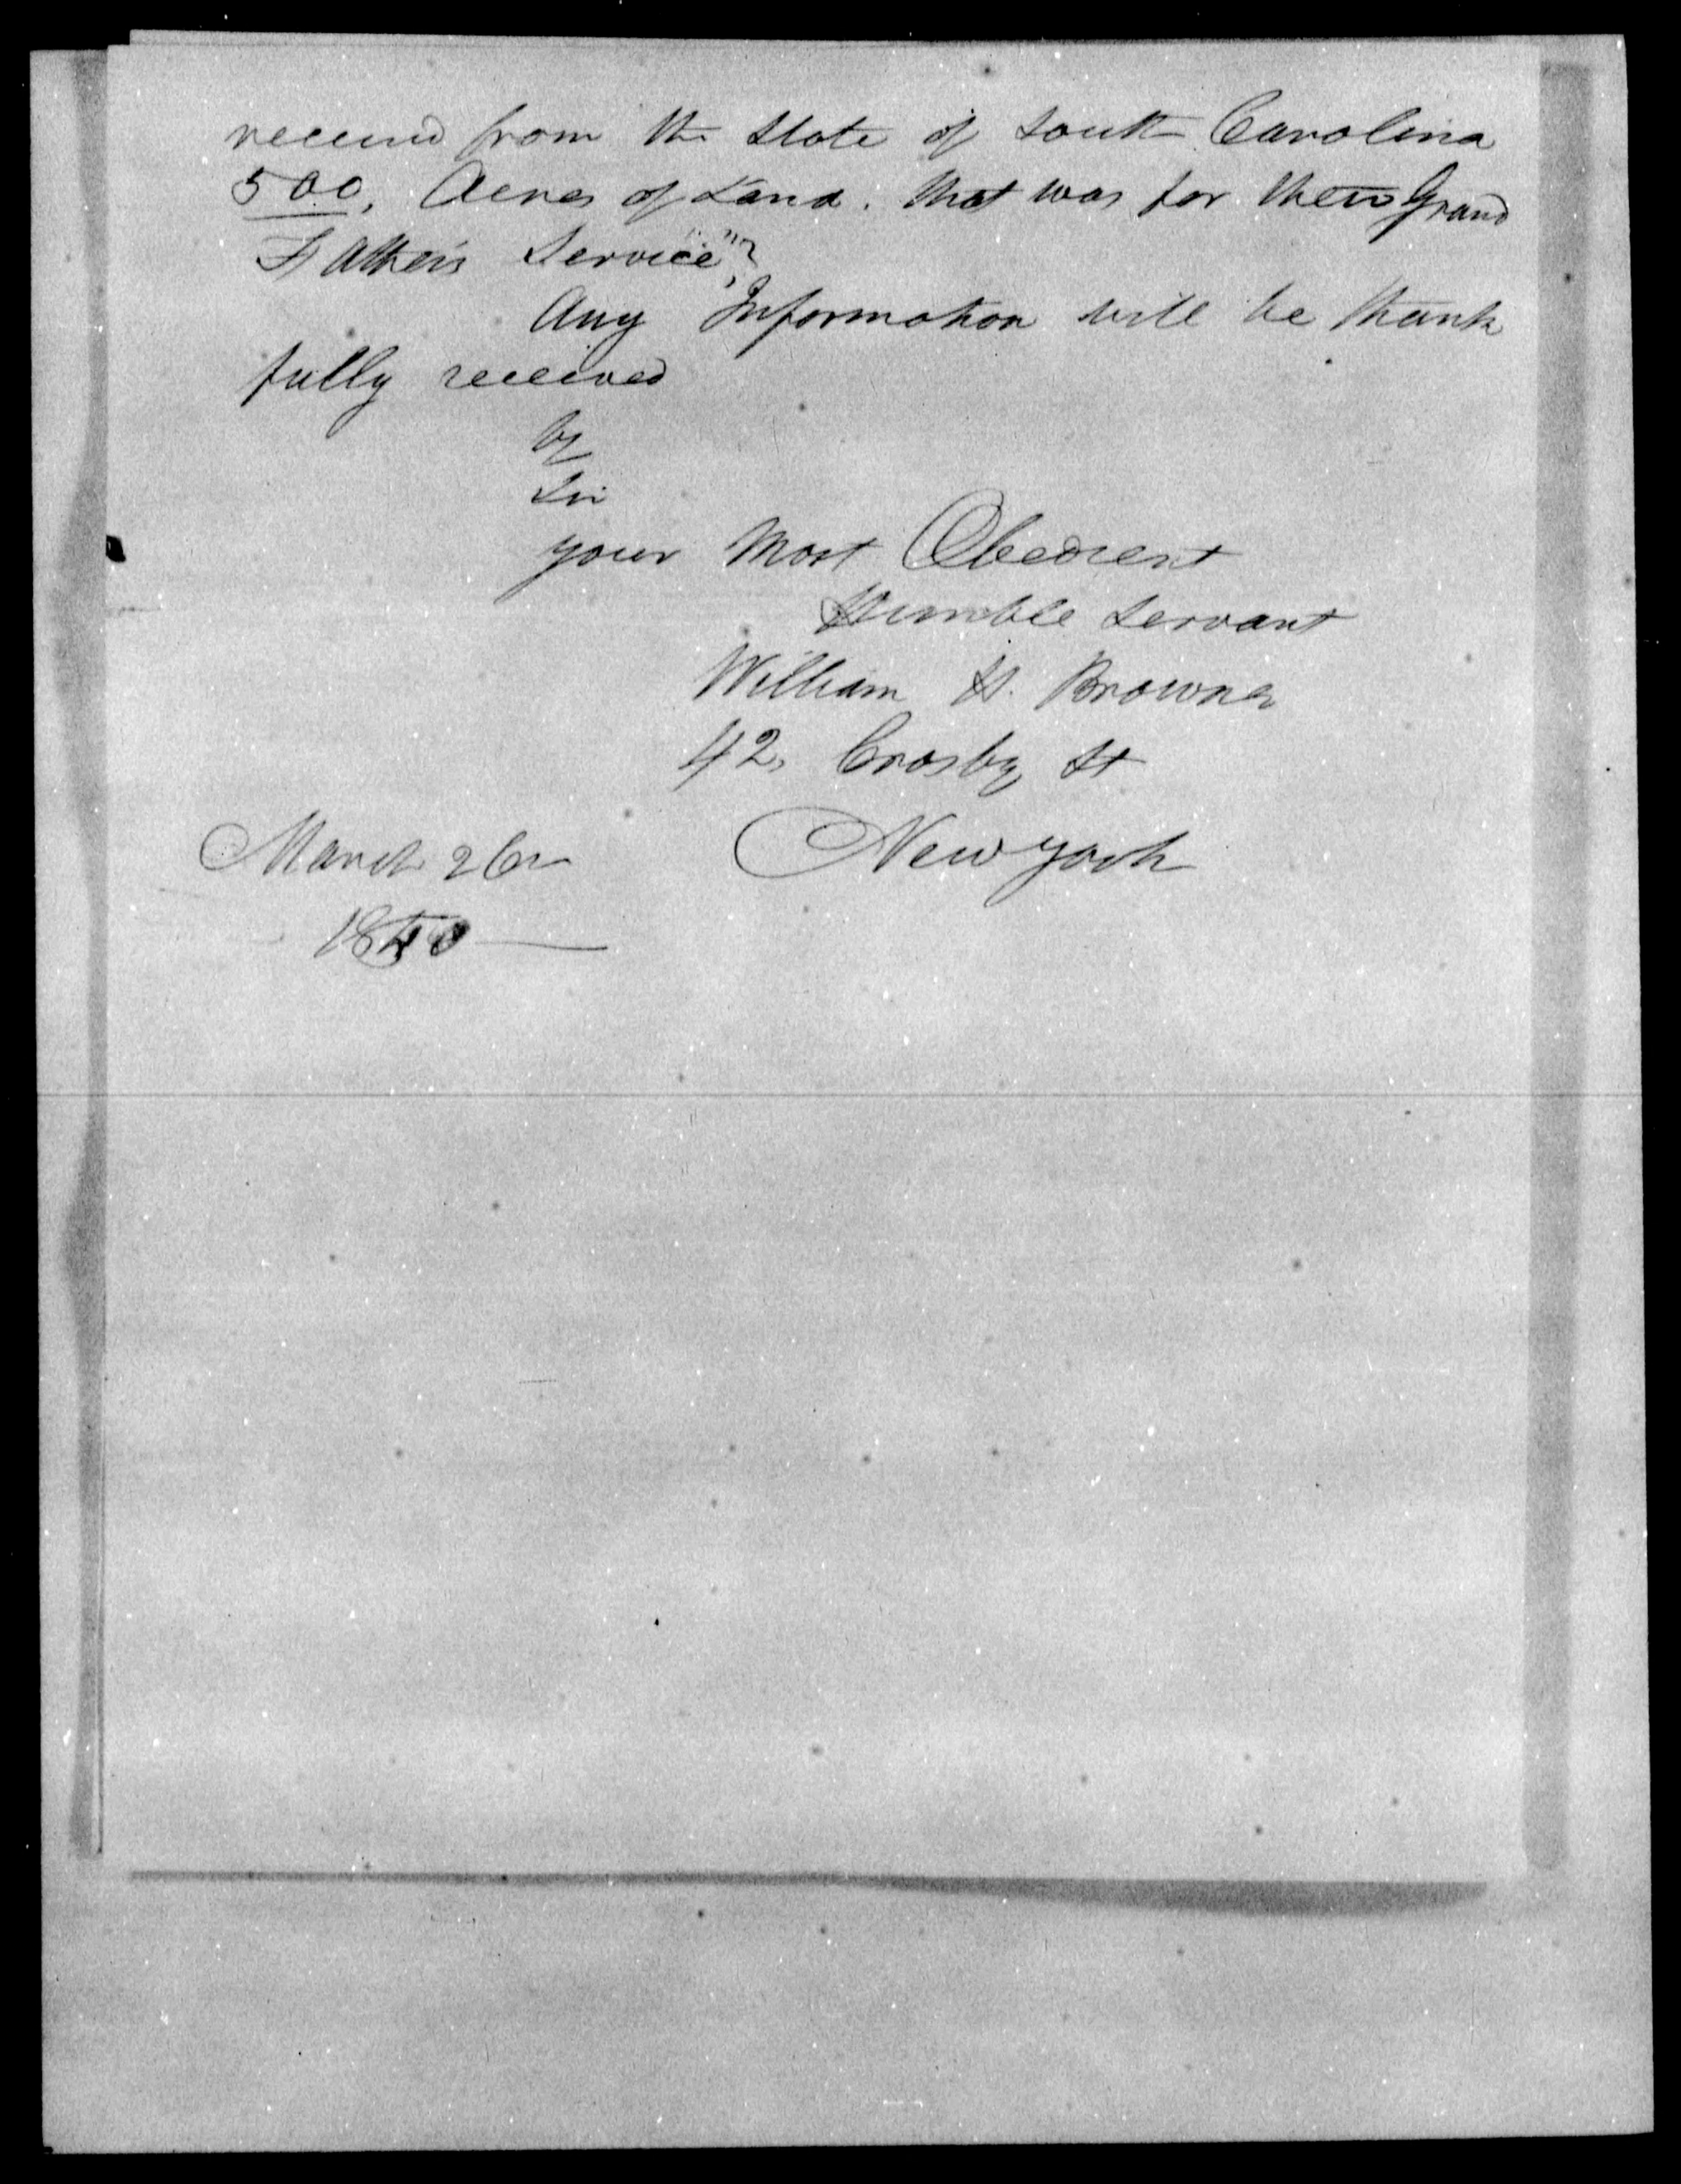received from the State of South Carolina 500. [previous number underlined] Acres of Land, that was for their Grand Father's Service",
Any Information will be thankfully received
by
Sir
your Most Obedient
Humble Servant
William H Brown
42 Crosby St
New York

March 26  
1840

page: 58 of 59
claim: bounty land warrant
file: B.L.Wt. 2359-500, for Owen Roberts, South Carolina